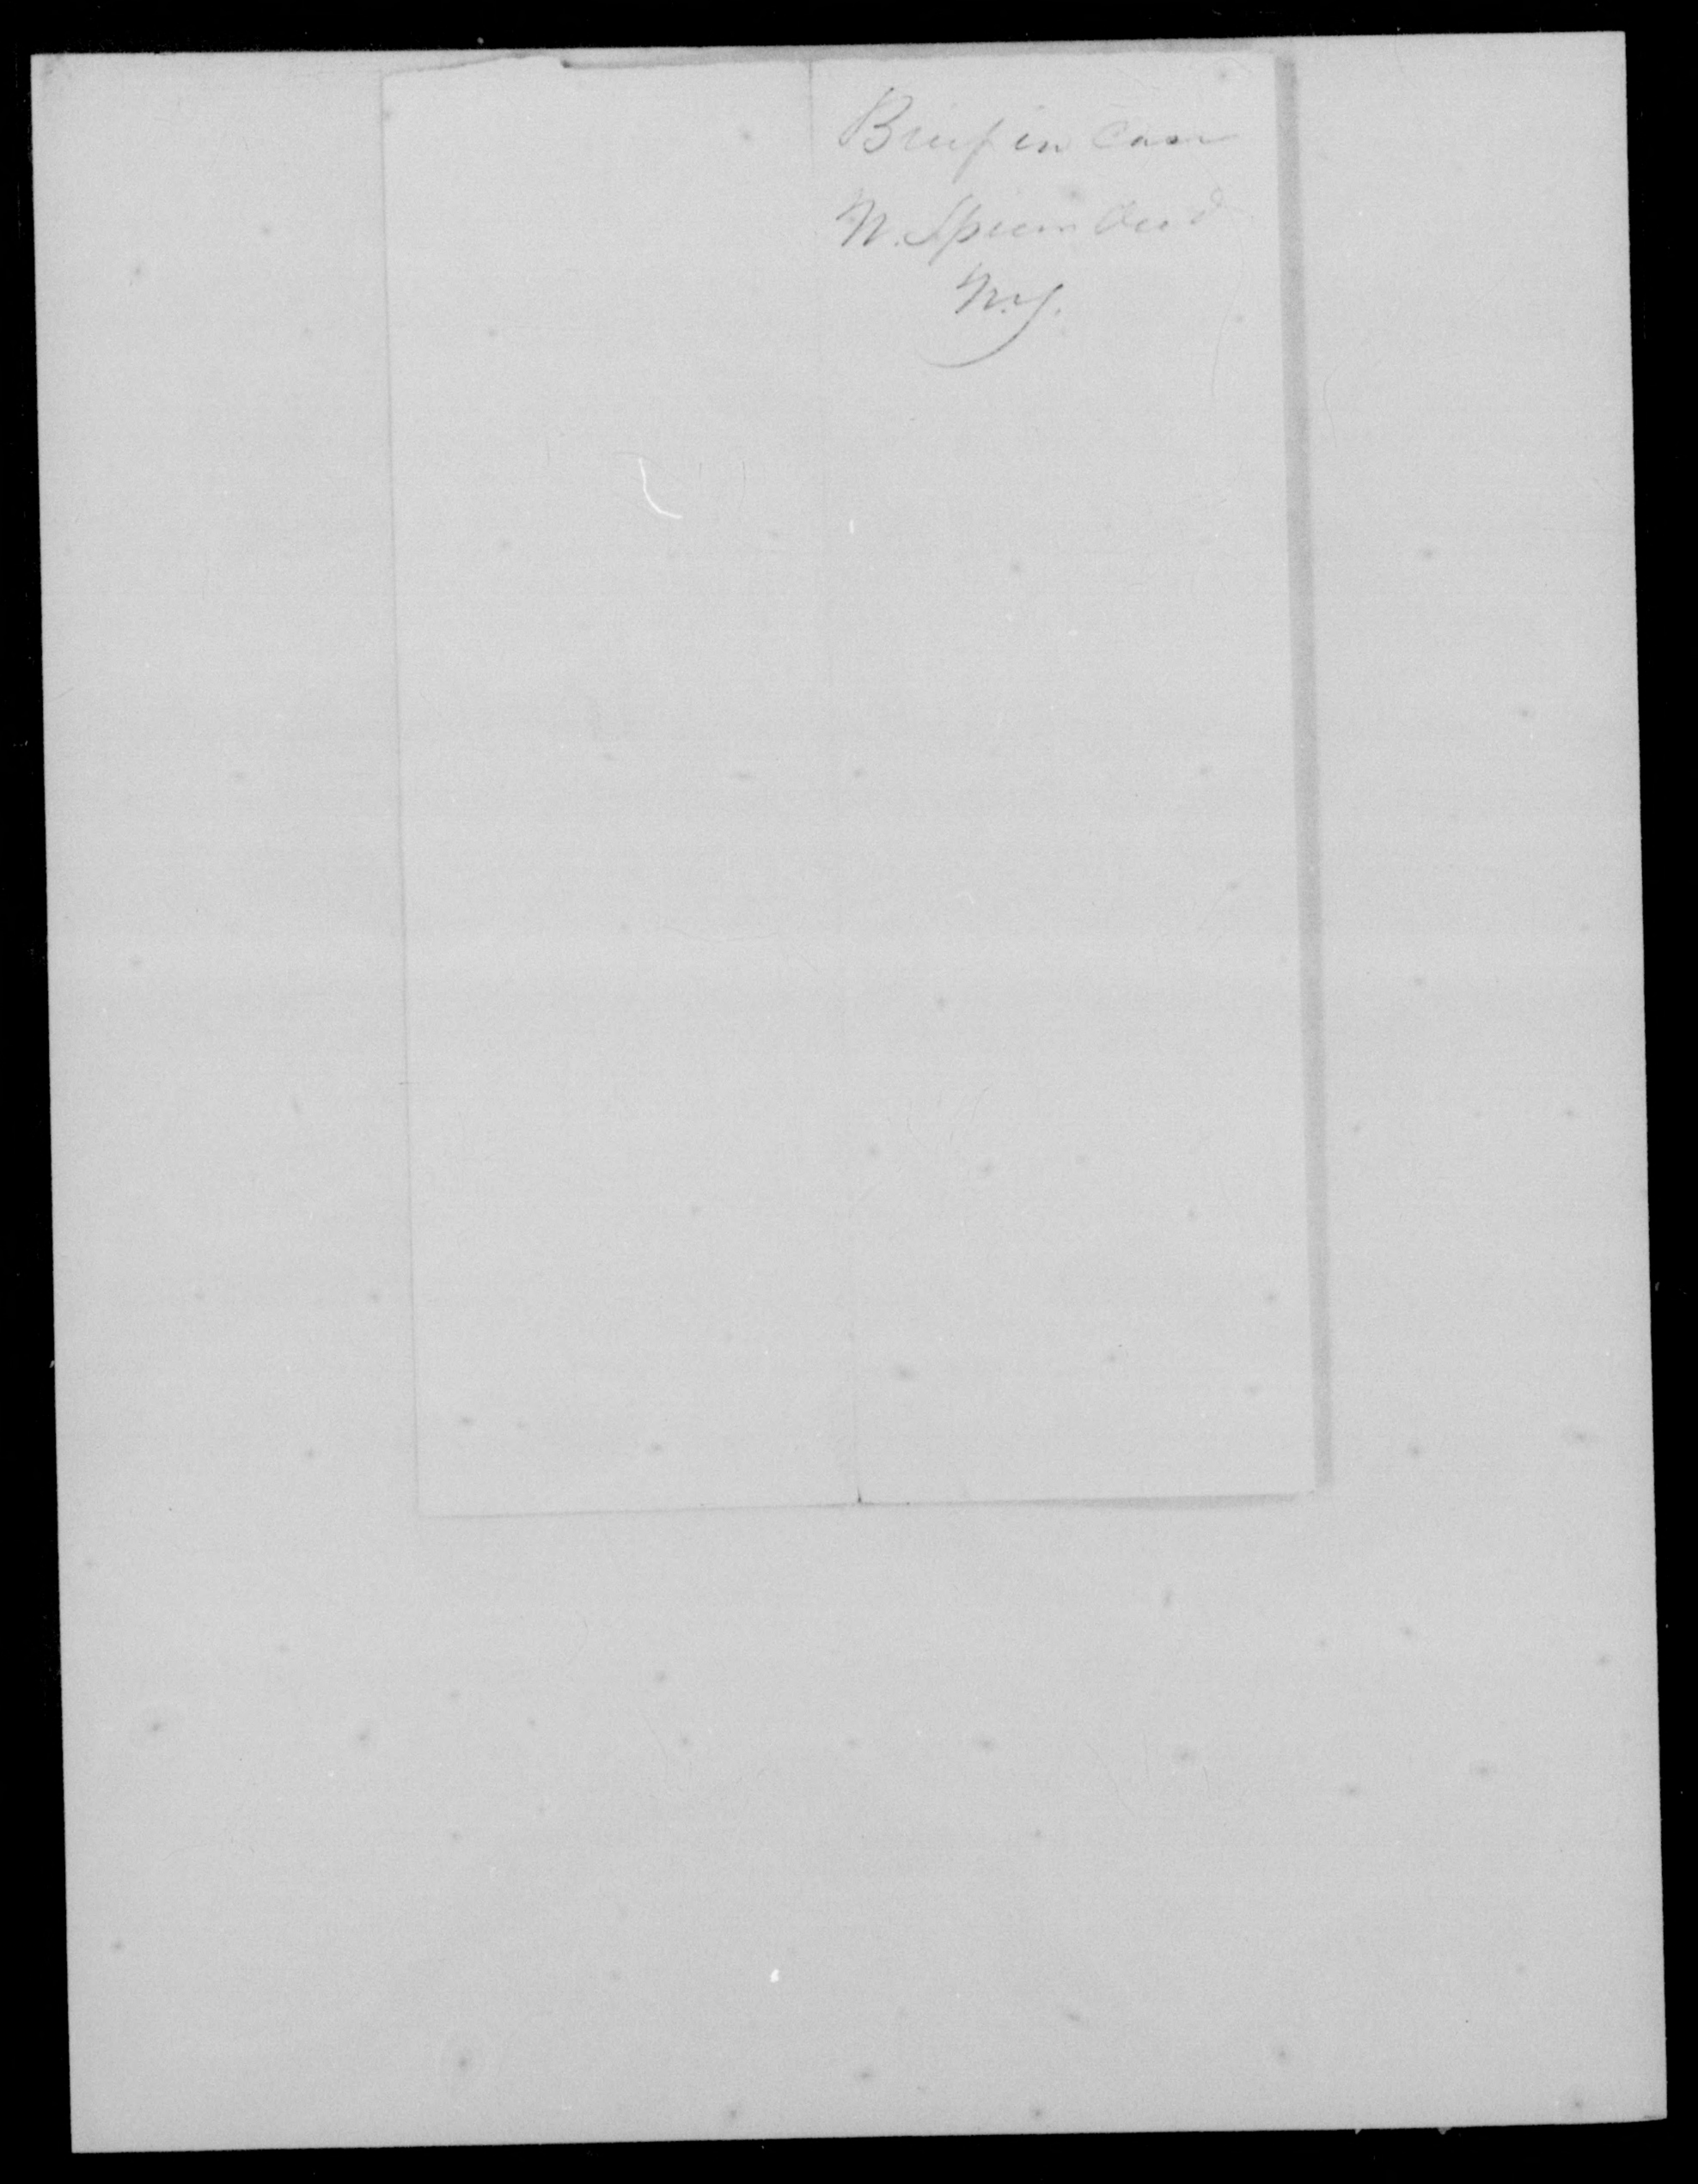Brief in case
W. Spicer decd
N.Y.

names: W Spicer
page: 15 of 33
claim: rejected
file: R. 5603, for Nathan Spicer, New York